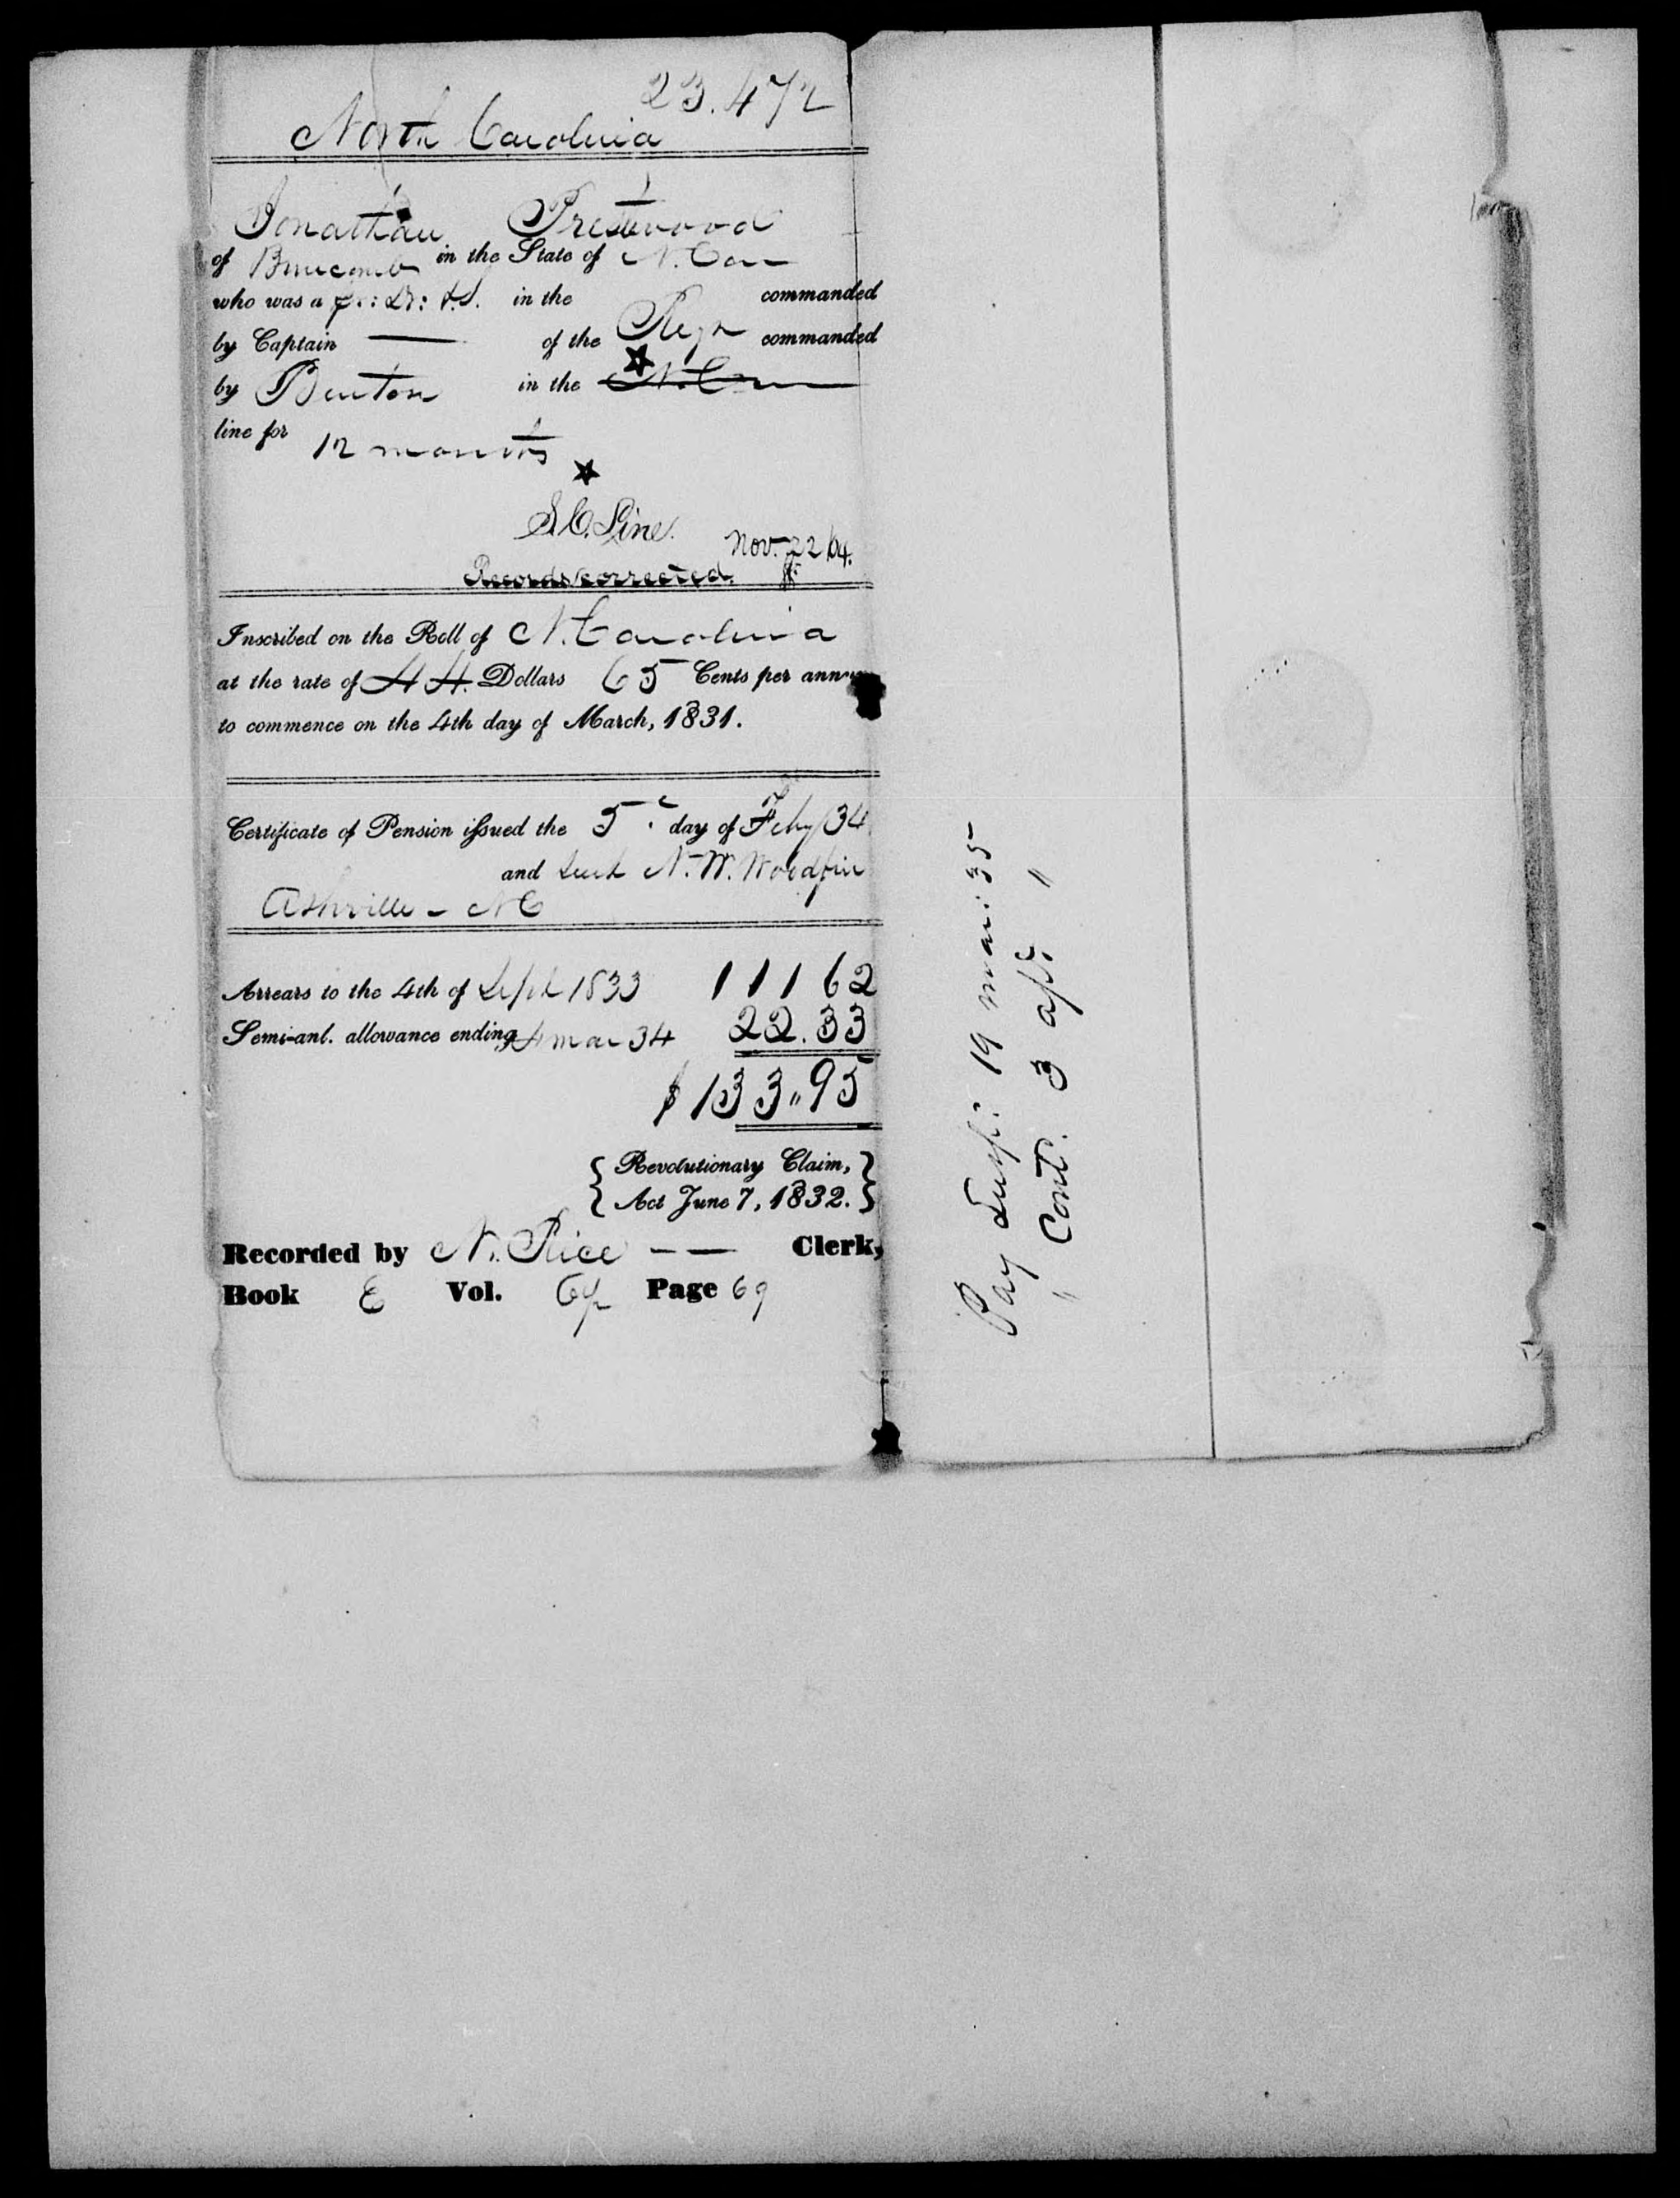North Carolina 23.472
Jonathan Prestwood of Buncombe in the State of N. Car who was a Pr: [private] Dr: [Drummer] & S [Sergeant]in the ___ commanded by Captain --- of the Reg commanded by [Major Lemuel] Benton in the * N. Car [crossed out] line for 12 months
* S.C. Line records corrected Nov 22/04

Inscribed on the Roll of N. Carolina at the rate of 44 Dollars 65 Cents per annum to commence on the 4th day of March, 1831

Certificate of Pension issued the 5 day of Feby 34 and sent to  N. W. Woodfin Asheville NC

Arrears to the 4th of Sept 1833 111.62 Semi-anl. allowance ending 4 Mar 34 22.33 = $133.95

Revolutionary Claim,Act June 7, 1832.
Recorded by N. Rice -- Clerk,
Book E Vol. 6 ½  Page 69

[right side]
Pay susp 19 Mar: 35
Cont: 3 Apr "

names: [BLANK] Benton; N W Woodfin; N Rice; Jonathan Prestwood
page: 2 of 13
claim: survivor's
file: S. 8,977, for Jonathan Prestwood, South Carolina